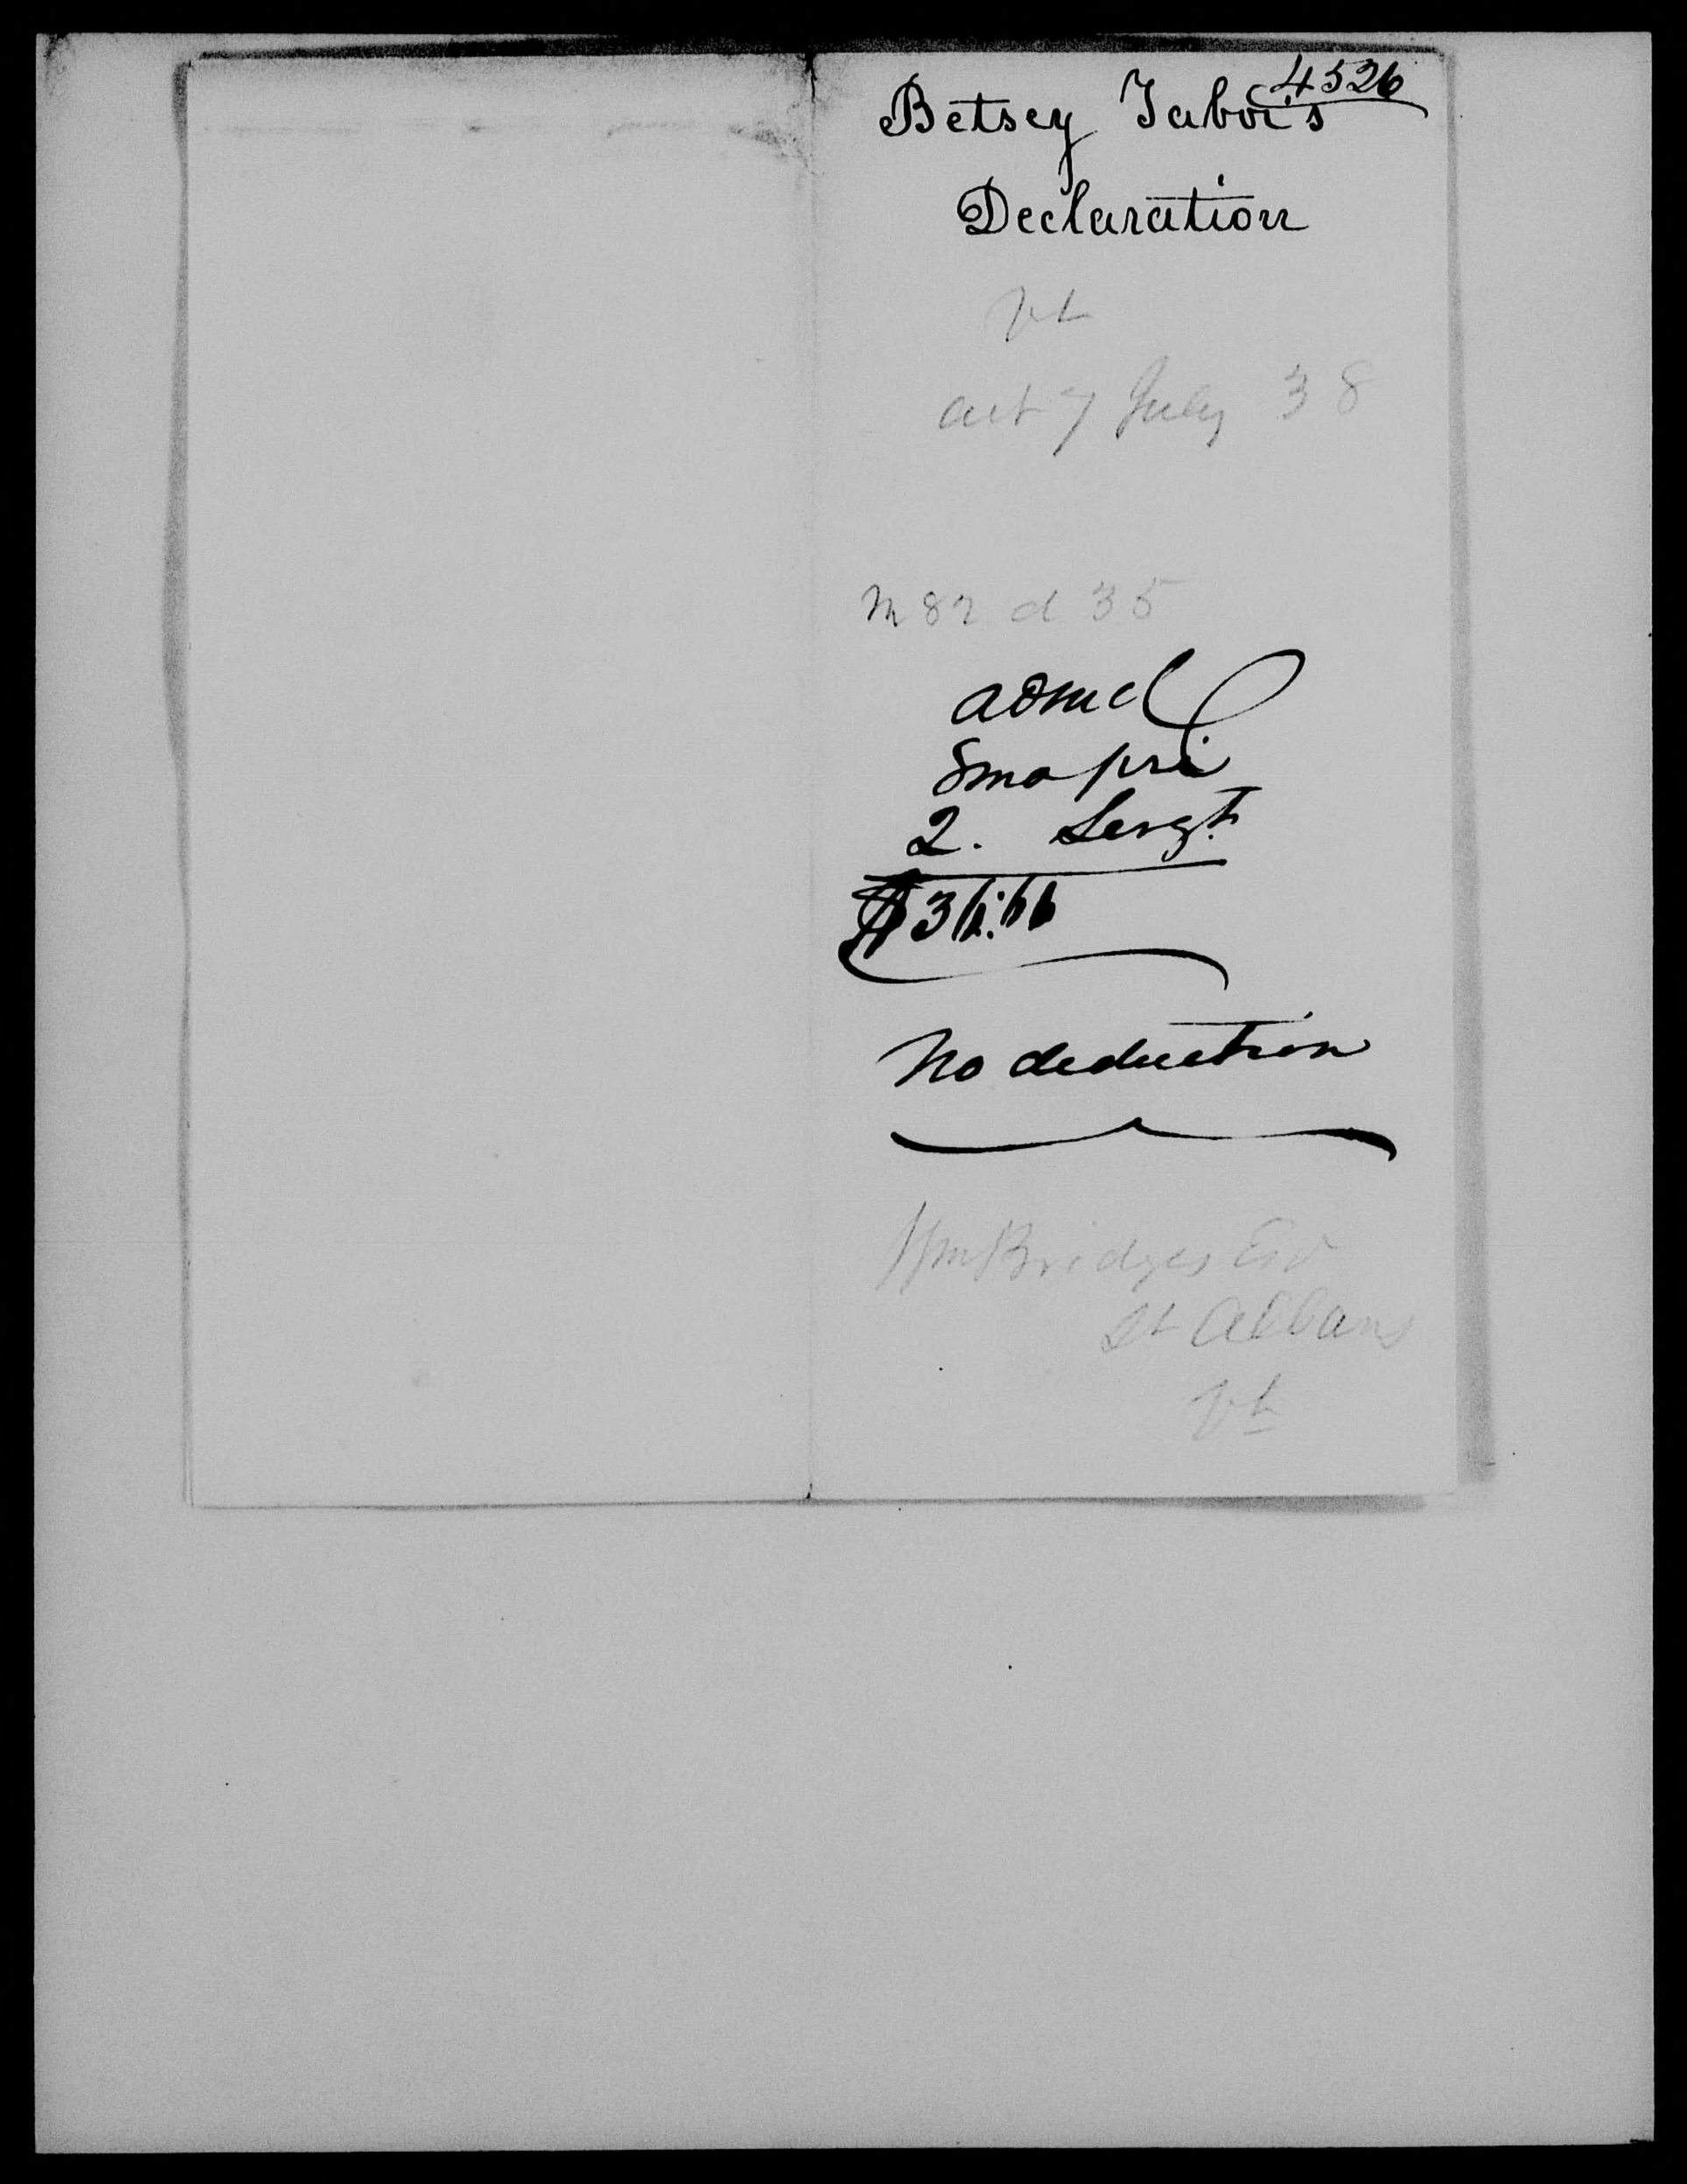4526
Betsey Tabor's
Declaration
Vt. 
Act 7 July 38

M 87 d 35

Add.
8 mo pri
2 Sergt
$36.66
no deduction

Wm. Bridges Esq.
St. Albans
Vt























b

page: 6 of 41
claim: widow's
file: W 26507, for Church Tabor, Massachusetts